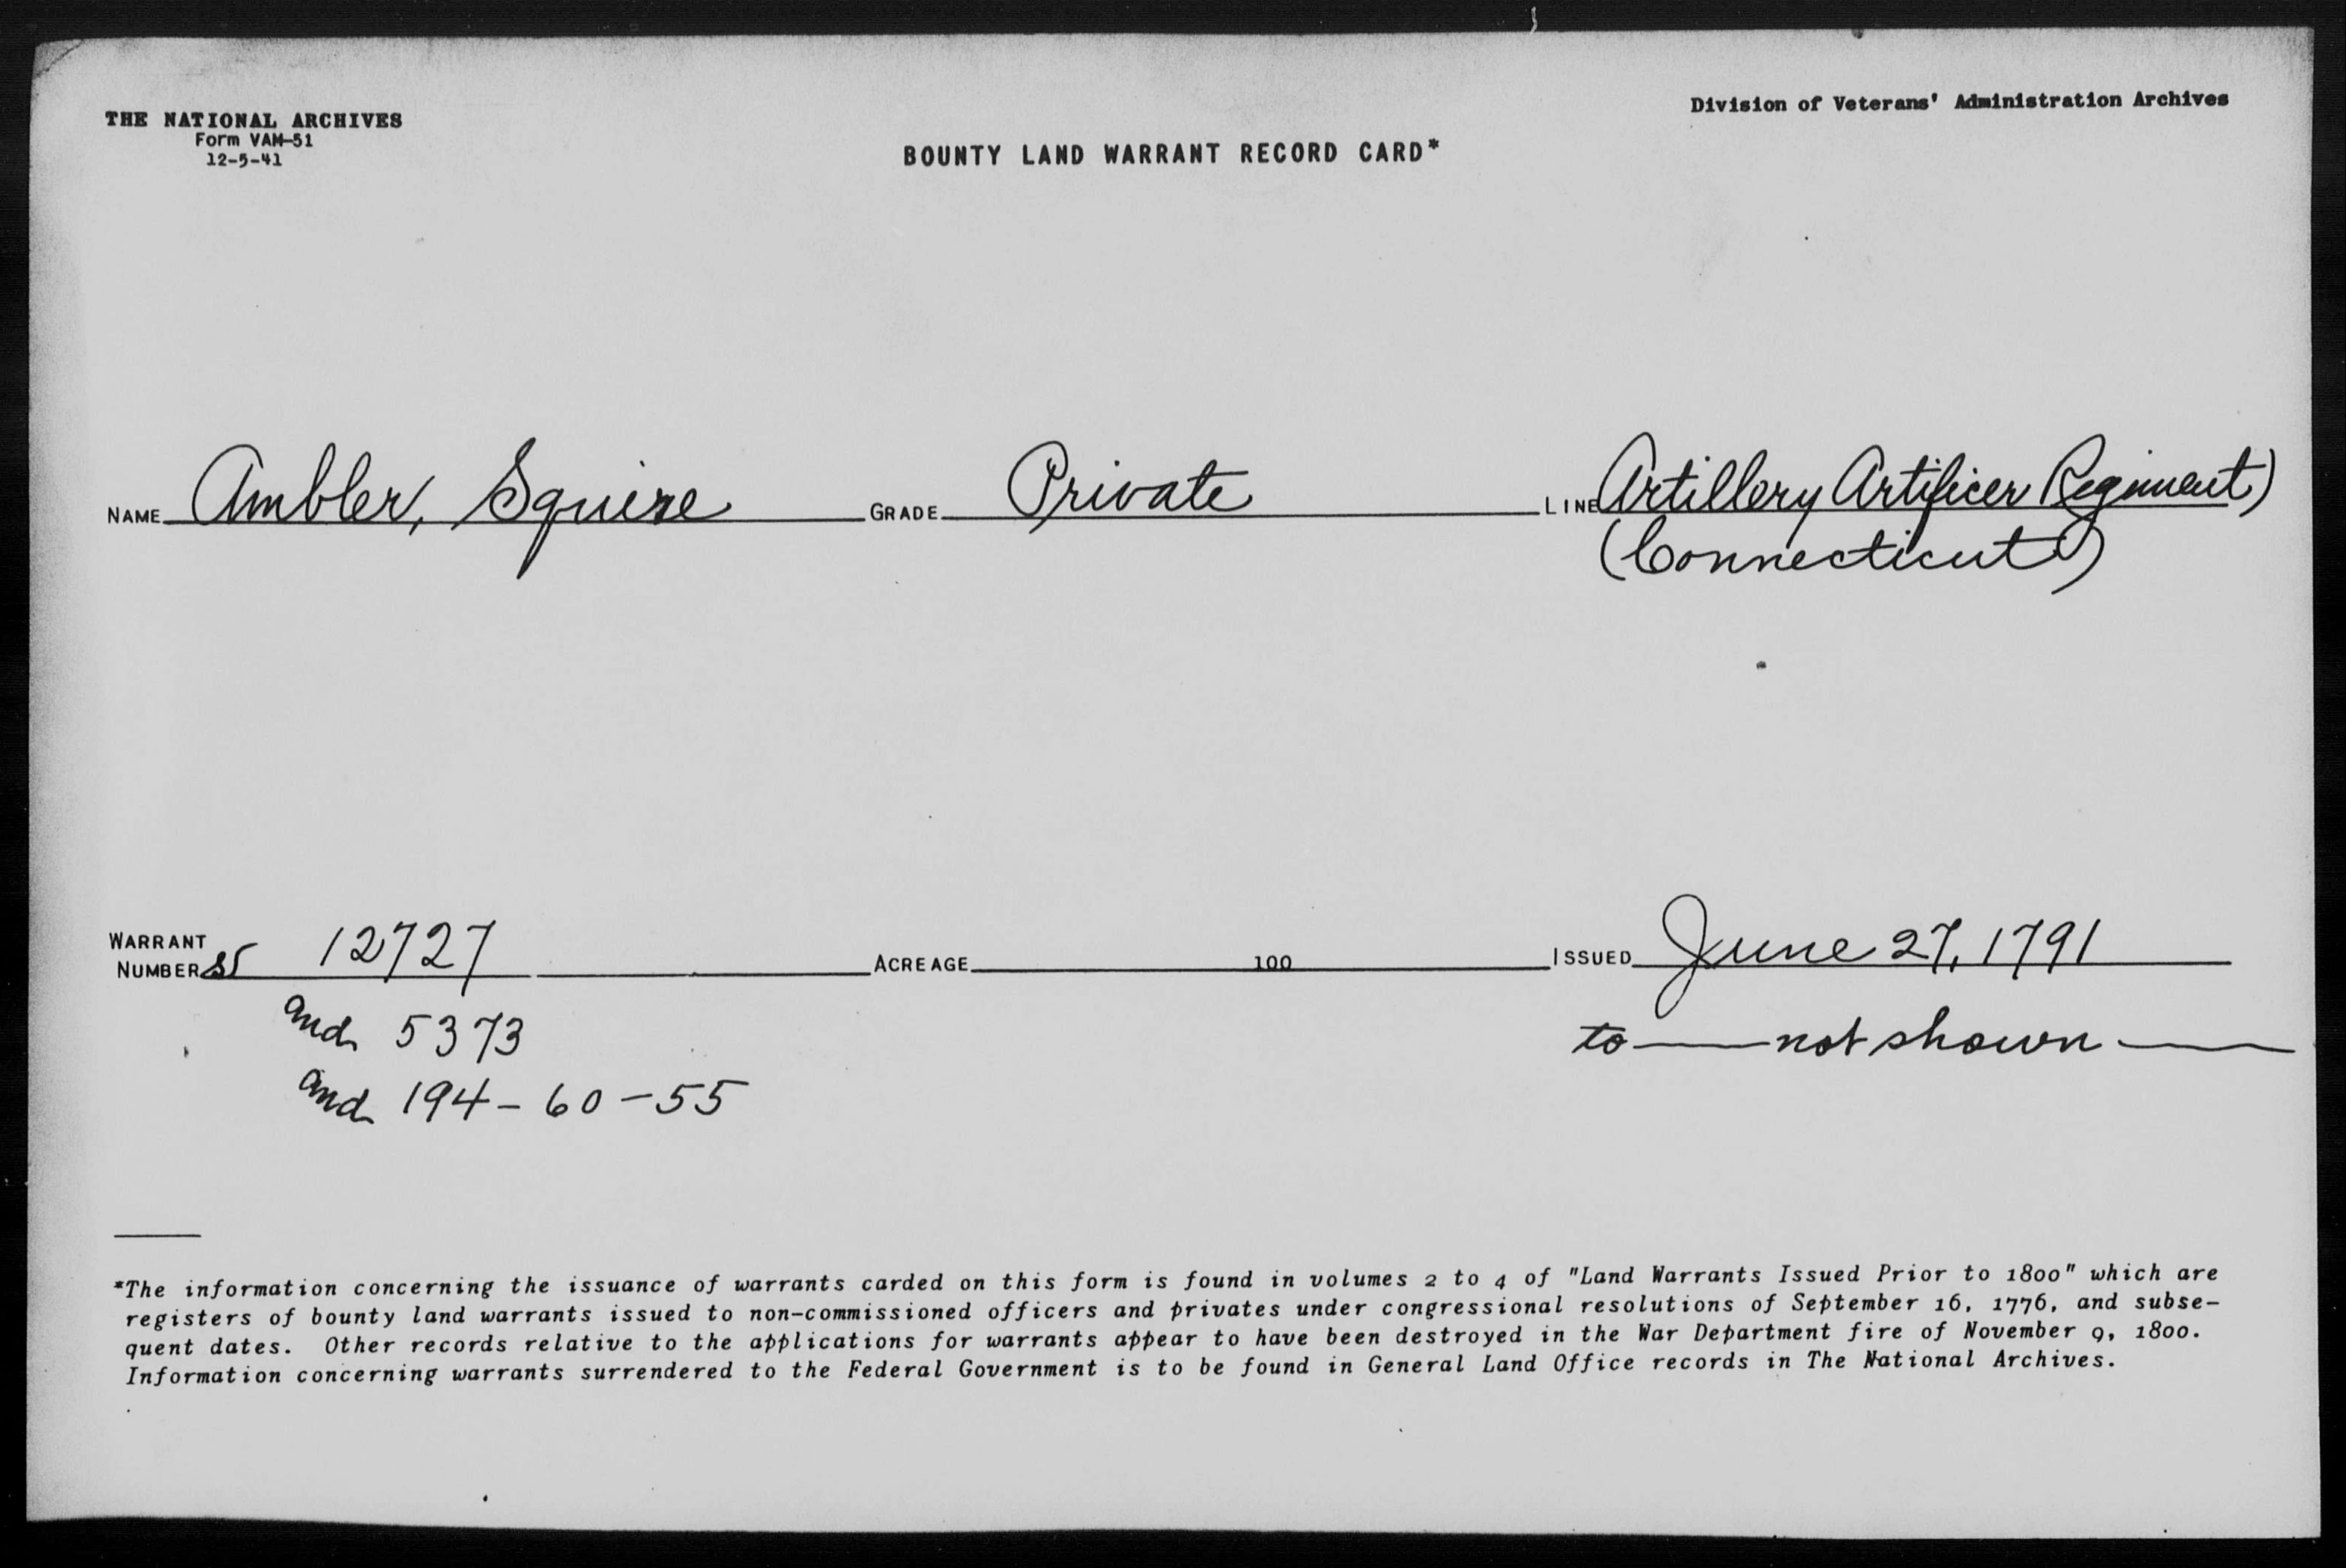THE NATIONAL ARCHIVES
Form VAM-51
12-5-41
Bounty Land Warrant Record Card*
Division of Veterans' Administration Archives
NAME Ambler, Squire   GRADE Private LINE Artillery Artificer Regiment (Connecticut)
WARRANT NUMBERS 12727 and 5373 and 194-60-55   ACREAGE 100   ISSUED June 27, 1791 to -- not shown --

*The information concerning the issuance of warrants carded on this form is found in volumes 2 to 4 of "Land Warrants Issued Prior to 1800" which are registers of bounty land warrants issued to non-commissioned officers and privates under congressional resolutions of September 16, 1776, and subsequent dates. Other records relative to the applications for warrants appear to have been destroyed in the War Department fire of November 9, 1800. Information concerning warrants surrendered to the Federal Government is to be found in General land Office records in The National Archives.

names: Squire Ambler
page: 4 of 39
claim: widow's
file: W. 2,056, Squire Ambler, Continental (Sol. Res. In N.Y. & Conn.)